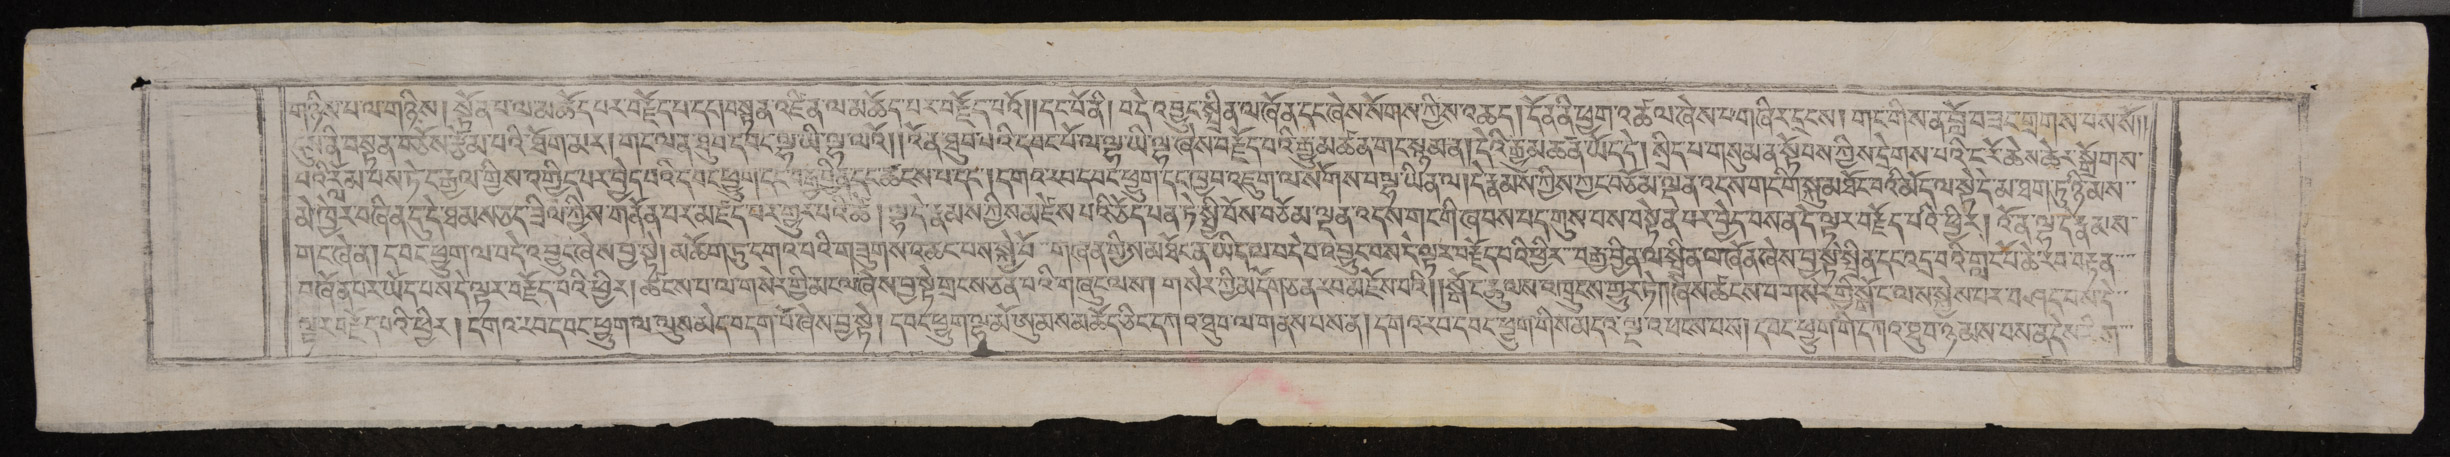གཉིས་པ་ལ་གཉིས། སྟོན་པ་ལ་མཆོད་པར་བརྗོད་པ་དང་། བསྟན་འཛིན་ལ་མཆོད་པར་བརྗོད་པའོ། །དང་པོ་ནི། བདེ་འབྱུང་སྤྲིན་ལ་ཞོན་དང་ཞེས་སོགས་ཀྱིས་འཆད། དོན་ནི་ཕྱག་འཚལ་ཞེས་པ་གཞིར་དྲངས། གང་གིས་ན་བློ་བཟང་གྲགས་པས་སོ། །
དུས་ནི་བསྟན་བཅོས་རྩོམ་པའི་ཐོག་མར། གང་ལ་ན་ཐུབ་དབང་ལྷ་ཡི་ལྷ་ལའོ། །འོ་ན་ཐུབ་པའི་དབང་པོ་ལ་ལྷ་ཡི་ལྷ་ཞེས་བརྗོད་པའི་རྒྱུ་མཚན་གང་སྙམ་ན། དེའི་རྒྱུ་མཚན་ཡོད་དེ། སྲིད་པ་གསུམ་ན་སྟོབས་ཀྱིས་དྲེགས་པའི་ང་རོ་ཆེས་ཆེར་སྒྲོགས་
པའི་རློམ་པས་ཏེ་ང་རྒྱལ་གྱིས་འགྱིང་བར་བྱེད་པའི་དབང་ཕྱུག་དང་བརྒྱ་བྱིན་དང་ཚངས་པ་དང་། དགའ་རབ་དབང་ཕྱུག་དང་ཁྱབ་འཇུག་ལ་སོགས་པ་ལྷ་ཡིན་ལ། དེ་རྣམས་ཀྱིས་ཀྱང་བཅོམ་ལྡན་འདས་གང་གི་སྐུ་མཐོང་བའི་མདོ་ལ་སྟེ་དེ་མ་ཐག་ཏུ་ཉི་མས་
མེ་ཁྱེར་བཞིན་དུ་དེ་ཐམས་ཅད་ཟིལ་ཀྱིས་གནོན་པར་མཛད་པར་གྱུར་པའི་ཚེ། ལྷ་དེ་རྣམས་ཀྱིས་མཛེས་པའི་ཅོད་པན་ཏེ་སྤྱི་བོས་བཅོམ་ལྡན་འདས་གང་གི་ཞབས་པད་གུས་པས་བསྟེན་པར་བྱེད་པས་ན་དེ་ལྟར་བརྗོད་པའི་ཕྱིར། འོ་ན་ལྷ་དེ་རྣམས་
གང་ཞེ་ན། དབང་ཕྱུག་ལ་བདེ་འབྱུང་ཞེས་བྱ་སྟེ། མཆོག་ཏུ་དགའ་བའི་གཟུགས་འཆང་བས་སྐྱེ་བོ་གཞན་གྱིས་མཐོང་ན་ཡིད་ལ་བདེ་བ་འབྱུང་བས་དེ་ལྟར་བརྗོད་པའི་ཕྱིར། བརྒྱ་བྱིན་ལ་སྤྲིན་ལ་ཞོན་ཞེས་བྱ་སྟེ་སྤྲིན་དང་འདྲ་བའི་གླང་པོ་ཆེ་རབ་བརྟན་
བཞོན་པར་ཡོད་པས་དེ་ལྟར་བརྗོད་པའི་ཕྱིར། ཚངས་པ་ལ་གསེར་གྱི་མངལ་ཞེས་བྱ་སྟེ་གྲངས་ཅན་བའི་གཞུང་ལས། གསེར་གྱི་མདོག་ཅན་རབ་མཛེས་པའི། །སྒོ་ང་ཆུ་ལས་འཁྲུངས་གྱུར་ཏེ། །ཞེས་ཚངས་པ་གསེར་གྱི་སྒོ་ང་ལས་སྐྱེས་པར་བཤད་པས་དེ་
ལྟར་བརྗོད་པའི་ཕྱིར། དགའ་རབ་དབང་ཕྱུག་ལ་ལུས་མེད་བདག་པོ་ཞེས་བྱ་སྟེ། དབང་ཕྱུག་ལྷ་མོ་ཨུ་མས་མཆོད་ཅིང་དཀའ་ཐུབ་ལ་གནས་པས་ན། དགའ་རབ་དབང་ཕྱུག་གིས་མདའ་ལྔ་འཕངས་པས། དབང་ཕྱུག་གི་དཀའ་ཐུབ་ཉམས་པས་ན་དེས་རིག་